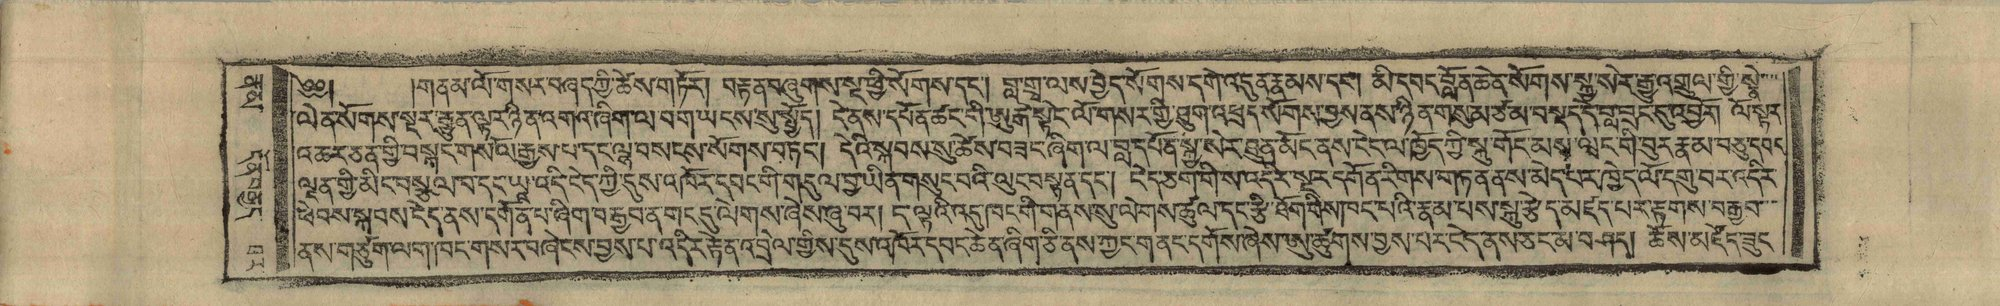༄༅། །གནམ་ལོ་གསར་བཞད་ཀྱི་ཚེས་གཏོར། བརྟན་བཞུགས་སྔ་ཕྱི་སོགས་དང་། བླ་གྲྭ་ལས་བྱེད་སོགས་དགེ་འདུན་རྣམས་དང་། མི་དབང་བློན་ཆེན་སོགས་སྐྱ་སེར་རྒྱུ་འགྲུལ་གྱི་སྣེ་
ལེན་སོགས་སྔར་རྒྱུན་ལྟར་ཉིན་འགའ་ཞིག་ལ་བག་ཡངས་སུ་སྤྱོད། དེ་ནས་དཔོན་ཚང་གི་ཨུརྒེ་སྟེང་ལོ་གསར་གྱི་ཐུག་འཕྲད་སོགས་བྱས་ནས་ཉིན་གསུམ་ཙམ་བསྡད་དེ་བླ་བྲང་དུ་འབྱོར། ལོ་སྟར་
འཆར་ཅན་གྱི་བསྐང་གསོལ་རྒྱས་པ་དང་ལྷ་བསངས་སོགས་བཏང་། དེའི་སྐབས་སུ་ཚེས་བཟང་ཞིག་ལ་བླ་དཔོན་སྐྱ་སེར་ཐུན་མོང་ནས་ངེད་ལ་ཁྱོད་ཀྱི་སྐུ་གོང་མས་ཝང་གི་བུར་རྣམ་བཅུ་དབང་
ལྡན་གྱི་མིང་བསྩལ་བ་དང་ཡཱ་འདི་ངེད་ཀྱི་དུས་འཁོར་དབང་གི་གདུལ་བྱ་ཡིན་གསུང་བའི་ལུང་བསྟན་དང་། ངེད་ཅག་གིས་འདིར་སྔར་དགོན་རིགས་གཏན་ནས་མེད་པར་ཁྱེད་ལོ་དགུ་བར་འདིར་
ཕེབས་སྐབས་ངེད་ནས་དགོན་པ་ཞིག་བརྒྱབ་ན་གང་དུ་ལེགས་ཞེས་ཞུ་བར། ད་ལྟའི་འདུ་ཁང་གི་གནས་སུ་ལེགས་ཚུལ་དང་རྩི་ཐོག་གིས་ཁང་པའི་རྣམ་པས་སྐུ་རྩེད་མཛད་པར་རྟགས་བརྒྱབ་
ནས་གཙུག་ལག་ཁང་གསར་བཞེངས་བྱས་པ་འདིར་རྟེན་འབྲེལ་གྱིས་དུས་འཁོར་དབང་ཆེན་ཞིག་ཅི་ནས་ཀྱང་གནང་དགོས་ཞེས་ཨུ་ཚུགས་བྱས་པར་ངེད་ནས་ཅང་མ་བཤད། ཆོས་མཛོད་ཟུང་